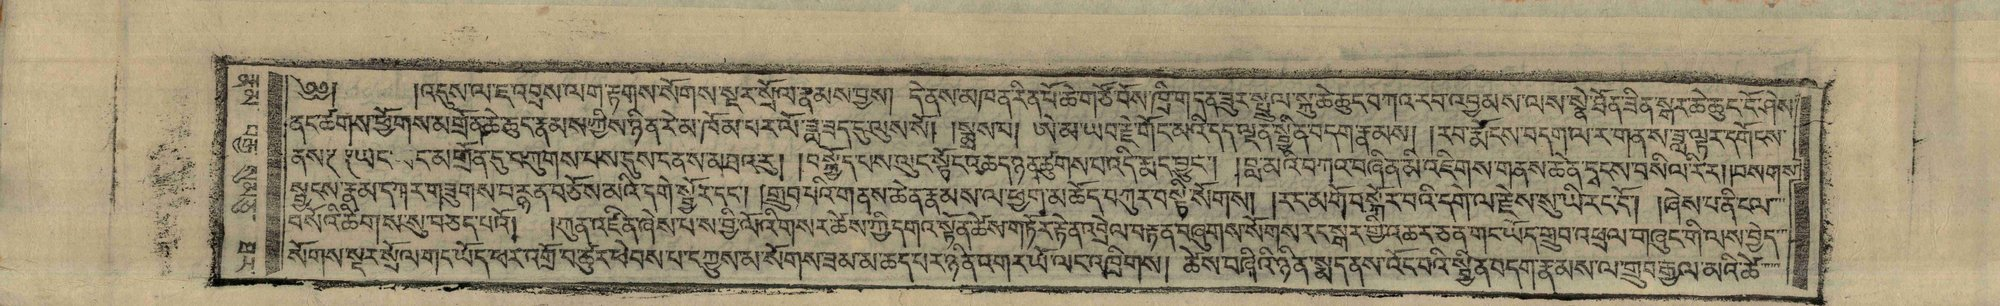༄༅། །འདུས་ལ་ཇ་འབྲས་ལག་རྟགས་སོགས་སྔར་སྲོལ་རྣམས་བྱས། དེ་ནས་མཁན་རིན་པོ་ཆེ་གཙོ་བོས་ཁྲི་གདན་ཟུར་སྤྲུལ་སྐུ་ཆེ་ཆུང་བཀའ་རབ་འབྱམས་ལས་སྣེ་ཐོན་ཟིན་སྒར་ཆེ་ཆུང་ངོ་ཤེས་
ནང་ཚགས་ཕྱོགས་མགྲོན་ཆེ་ཆུང་རྣམས་ཀྱིས་ཉིན་རེ་མ་ཁོམ་པར་ལོ་ཟླ་ཟད་དུ་ལུས་སོ། །སྨྲས་པ། ཨེ་མ་ཡབ་རྗེ་གོང་མའི་དད་ལྡན་སྦྱིན་བདག་རྣམས། །རབ་རྨོངས་བདག་ལ་ར་གན་ས་ཟླ་ལྟར་དགོངས་
ནས། །ཡང་ཡང་མགྲོན་དུ་བཀུགས་པས་དུས་ངན་ས་མཐའ་རུ། །བསྐྱོད་པས་ལུང་སྟོང་འཆད་ཉན་ཚུགས་པ་འདི་རྨད་བྱུང་། །བླ་མའི་བཀའ་བཞིན་མི་འཇིགས་གནས་ཆེན་དྭངས་བསིལ་རི་ར། །བསགས་
སྦྱངས་རྣམ་དཀར་གཟུགས་བརྙན་བཅོས་མའི་དགེ་སྦྱོར་དང་། །གྲུབ་པའི་གནས་ཆེན་རྣམས་ལ་ཕྱག་མཆོད་བཀུར་བསྟི་སོགས། །རང་མགོ་བསྐོར་བའི་དགེ་ལ་རྗེས་སུ་ཡི་རང་ངོ། །ཞེས་པ་ནི་ངལ་
བསོའི་ཚིགས་སུ་བཅད་པའོ། །ཀུན་འཛིན་ཞེས་པ་ས་བྱི་ལོའི་གསར་ཚེས་ཀྱི་དགའ་སྟོན་ཚེས་གཏོར་རྟེན་འབྲེལ་བརྟན་བཞུགས་སོགས་རང་སྒར་གྱི་འཆར་ཅན་གང་ཡོད་གྲུབ་འཕྲལ་གཞུང་གི་ལས་བྱེད་
སོགས་སྡར་སྲོལ་གང་ཡོད་ཕར་འགྲོ་བ་ཚུར་ཕེབས་པ་དཀྱུས་མ་སོགས་ཟམ་མ་ཆད་པར་ཉིན་འགར་ཡོ་ལང་འཁྲིགས། ཚེས་བཞིའི་ཉིན་སྨད་ནས་འོང་བའི་སྦྱིན་བདག་རྣམས་ལ་གྲུབ་རྒྱལ་མའི་ཚེ་